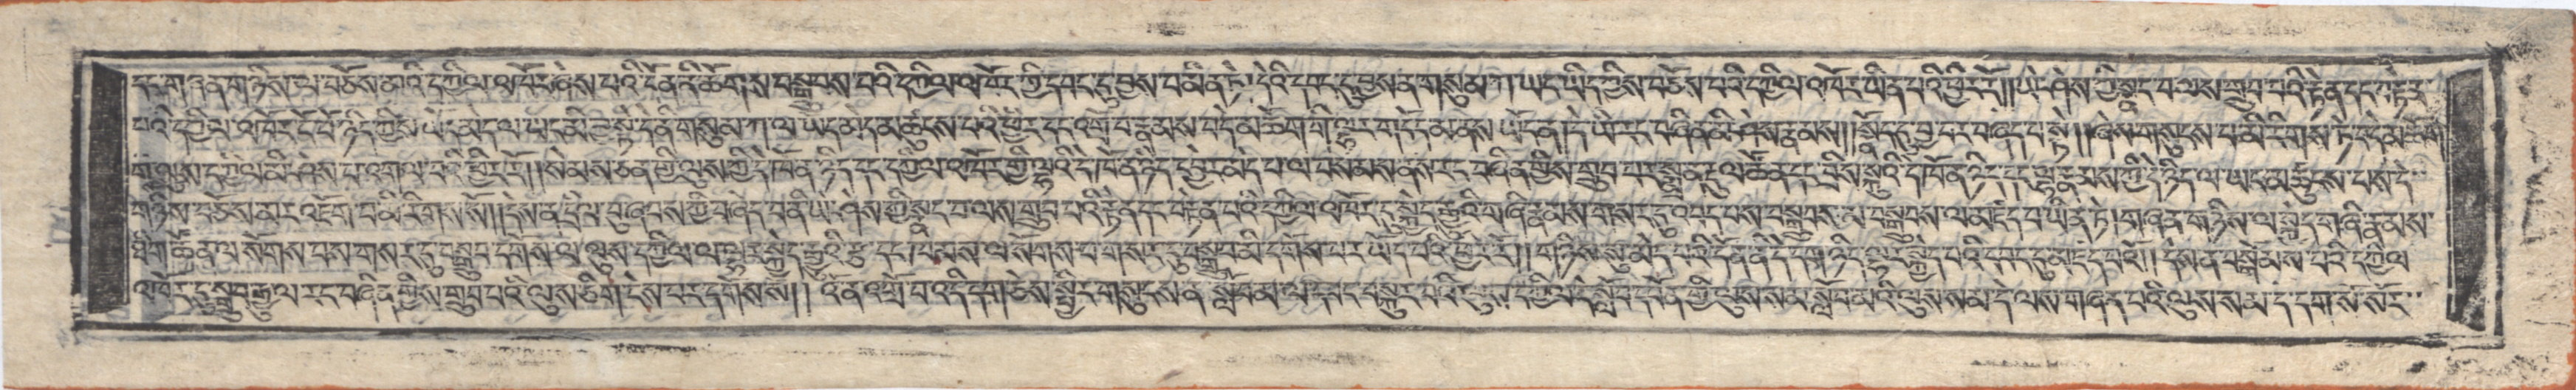དང་གཞན་གཉིས་ལ་བཅོས་མའི་དཀྱིལ་འཁོར་ཞེས་པའི་དོན་ནི་ཚོགས་བསྒྲུབས་པའི་དཀྱིལ་འཁོར་གྱི་དབང་དུ་བྱས་པ་མིན་ཏེ། དེའི་དབང་དུ་བྱས་ན་གསུམ་ཀ་ཡང་ཡིད་ཀྱིས་བཅོས་པའི་དཀྱིལ་འཁོར་ཡིན་པའི་ཕྱིར་རོ། །ཡེ་ཤེས་ཀྱི་སྣང་བ་ལས་གྲུབ་པའི་རྟེན་དང་བརྟེན་
པའི་དཀྱིལ་འཁོར་ངོ་བོ་ཉིད་ཀྱིས་ཡོད་མེད་ལ་ཡང་མི་བྱ་སྟེ་དེ་ནི་གསུམ་ཀ་ལ་ཡོད་མེད་མཚུངས་པའི་ཕྱིར་དང་འགྲོ་བ་རྣམས་བདེ་མཆོག་གི་ལྷར་གདོད་མ་ནས་ཡོད་ན། དེ་ཡི་རང་བཞིན་མི་ཤེས་རྣམས། །སྣོད་དུ་བྱ་བར་བཞེད་པ་སྟེ། །ཞེས་གསུངས་པ་མི་རིགས་ཏེ་བདེ་མཆོག་
གི་ལུས་དཀྱིལ་མི་ཤེས་པ་འགལ་བའི་ཕྱིར་རོ། །སེམས་ཅན་གྱི་ལུས་ཀྱི་དེ་ཁོ་ན་ཉིད་དང་དཀྱིལ་འཁོར་གྱི་ལྷའི་དེ་ཁོ་ན་ཉིད་དབྱེར་མེད་པ་ལ་བསམས་ནས་རང་བཞིན་གྱིས་གྲུབ་པར་སྨྲ་ན་རྡུལ་ཚོན་དང་བྲིས་སྐུའི་དེ་ཁོ་ན་ཉིད་དང་ལྷ་རྣམས་ཀྱི་དེ་ཉིད་ལ་ཡང་མཚུངས་པས་དེ་
གཉིས་བཅོས་མར་འཇོག་པ་མི་རིགས་སོ། །དེས་ན་དྲིལ་བུ་ཞབས་ཀྱི་བཞེད་བ་ནི་ཡེ་ཤེས་ཀྱི་སྣང་བ་ལས་གྲུབ་པའི་རྟེན་དང་བརྟེན་པའི་དཀྱིལ་འཁོར་དུ་སྐྱེད་རྒྱུའི་གཞི་རྣམས་གསར་དུ་འབད་པས་བསྒྲུབས་མ་བསྒྲུབས་ལ་མཛད་པ་ཡིན་ཏེ། གཞན་གཉིས་ལ་སྐྱེད་གཞི་རྣམས་
ཐིག་ཚོན་ལ་སོགས་པས་གསར་དུ་བསྒྲུབ་དགོས་ལ་ལུས་དཀྱིལ་ལ་ལྷར་སྐྱེད་རྒྱུའི་རྩ་དང་ཁམས་ལ་སོགས་པ་གསར་དུ་བསྒྲུབ་མི་དགོས་པར་ཡོད་པའི་ཕྱིར་རོ། །གཉིས་སུ་མེད་པའི་དོན་ནི་དེ་དག་ཉིད་ལྷར་སྐྱེད་པའི་དབང་དུ་མཛད་པའོ། །དེས་ན་བསྒོམས་པའི་དཀྱིལ་
འཁོར་དུ་སྒྲུབ་རྒྱུ་ལ་རང་བཞིན་གྱིས་གྲུབ་པའི་ལུས་ཅིག་ངེས་པར་དགོས་སོ། །འོ་ན་འགྲོ་བ་འདི་དག་ཅེས་སྤྱིར་གསུངས་ན་སློབ་མ་ལ་དབང་བསྐུར་བའི་ལུས་དཀྱིལ་དེ་སློབ་དཔོན་གྱི་ལུས་སམ་སློབ་མའི་ལུས་སམ་དེ་ལས་གཞན་པའི་ལུས་སམ་དེ་དག་སོ་སོར་